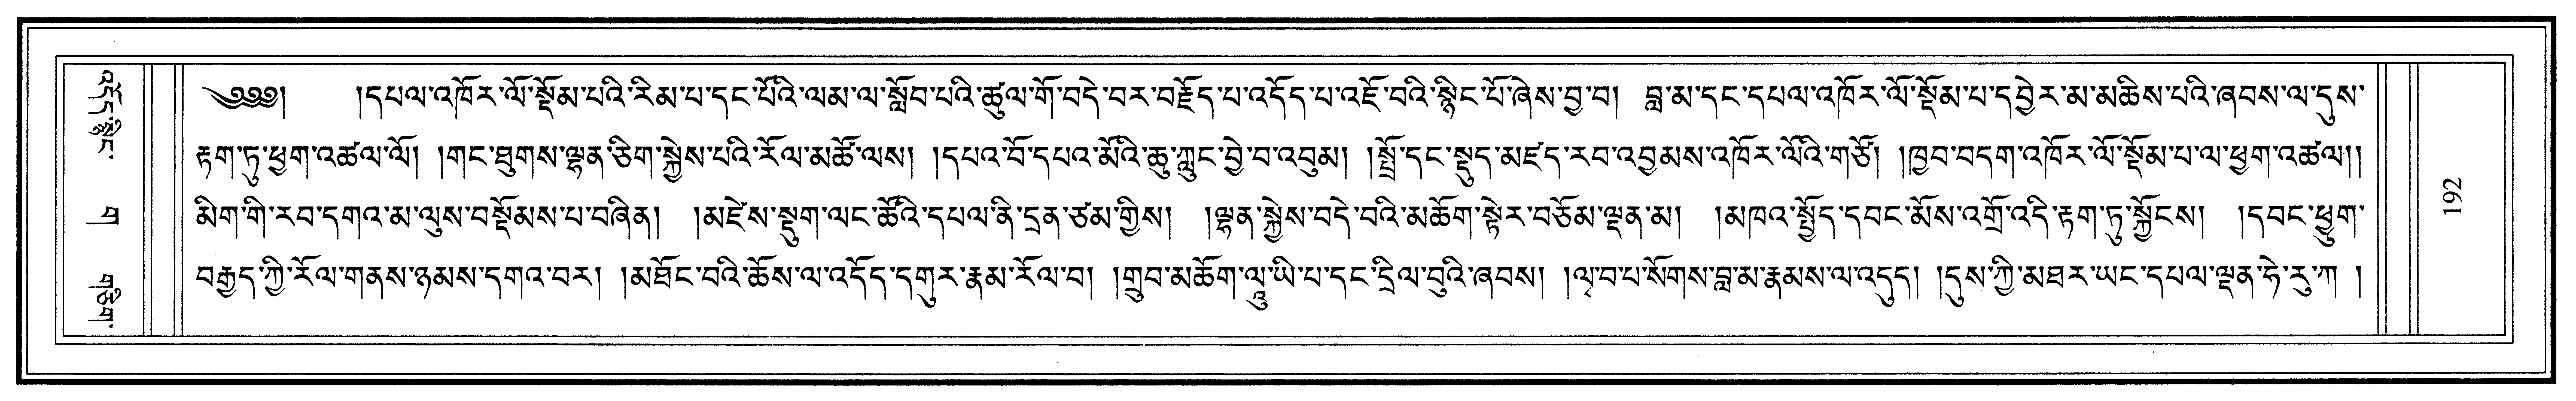༄༅༅། །དཔལ་འཁོར་ལོ་སྡོམ་པའི་རིམ་པ་དང་པོའི་ལམ་ལ་སློབ་པའི་ཚུལ་གོ་བདེ་བར་བརྗོད་པ་འདོད་པ་འཇོ་བའི་སྙིང་པོ་ཞེས་བྱ་བ། བླ་མ་དང་དཔལ་འཁོར་ལོ་སྡོམ་པ་དབྱེར་མ་མཆིས་པའི་ཞབས་ལ་དུས་
རྟག་ཏུ་ཕྱག་འཚལ་ལོ། །གང་ཐུགས་ལྷན་ཅིག་སྐྱེས་པའི་རོལ་མཚོ་ལས། །དཔའ་བོ་དཔའ་མོའི་ཆུ་ཀླུང་བྱེ་བ་འབུམ། །སྤྲོ་དང་སྡུད་མཛད་རབ་འབྱམས་འཁོར་ལོའི་གཙོ། །ཁྱབ་བདག་འཁོར་ལོ་སྡོམ་པ་ལ་ཕྱག་འཚལ།།
མིག་གི་རབ་དགའ་མ་ལུས་བསྡོམས་པ་བཞིན། །མཛེས་སྡུག་ལང་ཚོའི་དཔལ་ནི་དྲན་ཙམ་གྱིས། །ལྷན་སྐྱེས་བདེ་བའི་མཆོག་སྟེར་བཅོམ་ལྡན་མ། །མཁའ་སྤྱོད་དབང་མོས་འགྲོ་འདི་རྟག་ཏུ་སྐྱོངས། །དབང་ཕྱུག་
བརྒྱད་ཀྱི་རོལ་གནས་ཉམས་དགའ་བར། །མཐོང་བའི་ཆོས་ལ་འདོད་དགུར་རྣམ་རོལ་བ། །གྲུབ་མཆོག་ལཱུ་ཡི་པ་དང་དྲིལ་བུའི་ཞབས། །ལྭ་བ་པ་སོགས་བླ་མ་རྣམས་ལ་འདུད། །དུས་ཀྱི་མཐར་ཡང་དཔལ་ལྡན་ཧེ་རུ་ཀ།